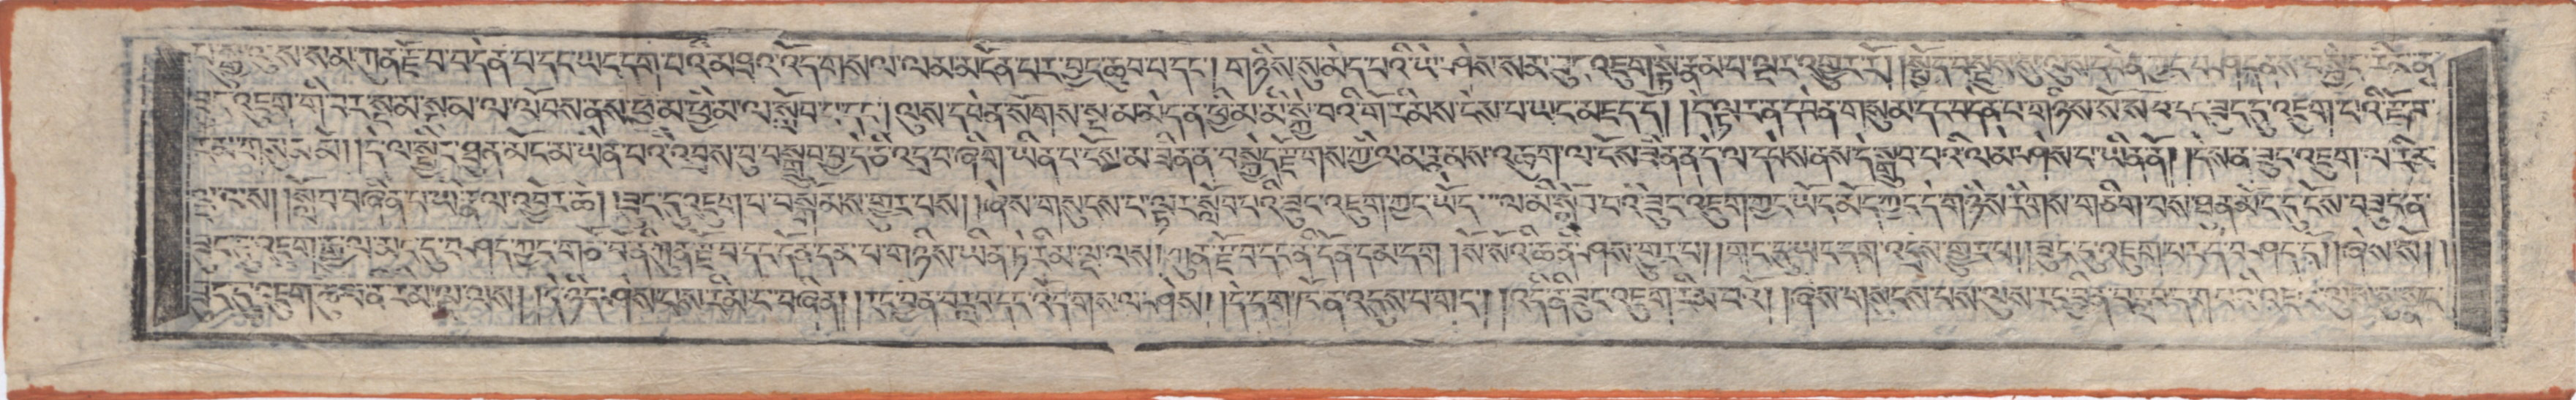པ་སྒྱུ་ལུས་སམ་ཀུན་རྫོབ་བདེན་པ་དན་གྱང་དག་པའི་མཐའ་འོག་གསལ་ལམ་མངོན་པར་བྱང་ཆུབ་པ་དང་། གཉིས་སུ་མེད་པའི་ཡེ་ཤེས་སམ་ཟུང་འཇུག་སྟེ་རྣམ་པ་ལྟར་འགྱུར་རོ། །སྤྱོད་བསྡུས་སུ་ལུས་དབེན་ཀྱང་བཤད་ནས་བསྐྱེད་རིམ་ནས་
ཟུང་འཇུག་གི་བར་སྔ་མ་སྔ་མ་ལ་ལོབས་ནས་ཕྱི་མ་ཕྱི་མ་ལ་སློབ་པ་དང་། ལུས་དབེན་སོགས་སྔ་མ་མེད་ན་ཕྱི་མ་མི་སྐྱེ་བའི་གོ་རིམས་ངེས་པ་ཡང་མཛད་དོ། །དེ་ལྟར་ན་དབེན་གསུམ་དང་དབེན་པ་གཉིས་སོ་སོ་བ་དང་ཟུང་དུ་འཇུག་པའི་རྫོགས་
རིམ་གསུམ་མོ། །དེ་ལ་སྤྱིར་ཐུན་མོང་མ་ཡིན་པའི་འབྲས་བུ་བསྒྲུབ་བྱ་དེ་ཅི་འདྲ་བ་ཞིག་ཡིན་པ་ངོས་མ་ཟིན་ན་བསྐྱེད་རྫོགས་ཀྱི་ལམ་རྣམས་འཆུག་ལ་ངོས་ཟིན་ན་དེ་ལ་དབེས་ནས་དེ་སྒྲུབ་པའི་ལམ་ཤེས་པ་ཡིན་ནོ། །དེས་ན་ཟུང་འཇུག་ལ་རིམ་
ལྔ་ལས། །སློབ་བཞིན་པ་ཡི་རྣལ་འབྱོར་ཆེ། །ཟུང་དུ་འཇུག་པ་བསྒོམས་གྱུར་པས། །ཞེས་གསུངས་པ་ལྟར་སློབ་པའི་ཟུང་འཇུག་ཀྱང་ཡོད་ལ་མི་སློབ་པའི་ཟུང་འཇུག་ཀྱང་ཡོད་མོད་ཀྱང་དེ་གཉིས་རིགས་གཅིག་པས་ཐུན་མོང་དུ་ངོས་བཟུང་ན་
ཟུང་དུ་འཇུག་རྒྱུ་ལ་མང་དུ་བཤད་ཀྱང་གཙོ་བོ་ནི་ཀུན་རྫོབ་དང་དོན་དམ་པ་གཉིས་ཡིན་ཏེ་རིམ་ལྔ་ལས། ཀུན་རྫོབ་དང་ནི་དོན་དམ་དག །སོ་སོའི་ཆ་ནི་ཤེས་གྱུར་པ། །གང་དུ་ཡང་དག་འདྲེས་གྱུར་པ། །ཟུང་དུ་འཇུག་པར་དེ་བཤད་དོ། །ཞེས་སོ། །
ཟུང་དུ་འཇུག་ཚུལ་ནི་རིམ་ལྔ་ལས། །དེ་ཉིད་ཤེས་པས་རིམ་པ་བཞིན། །རང་བྱིན་བརླབ་དང་འོད་གསལ་ཤེས། །དེ་དག་ཁོ་ན་འདུས་པ་གང་། །འདི་ནི་ཟུང་འཇུག་རིམ་པའོ། །ཞེས་གསུངས་པས་ལུས་རང་བྱིན་བརླབ་དག་པའི་འཇའ་ལུས་སུ་སྣང་